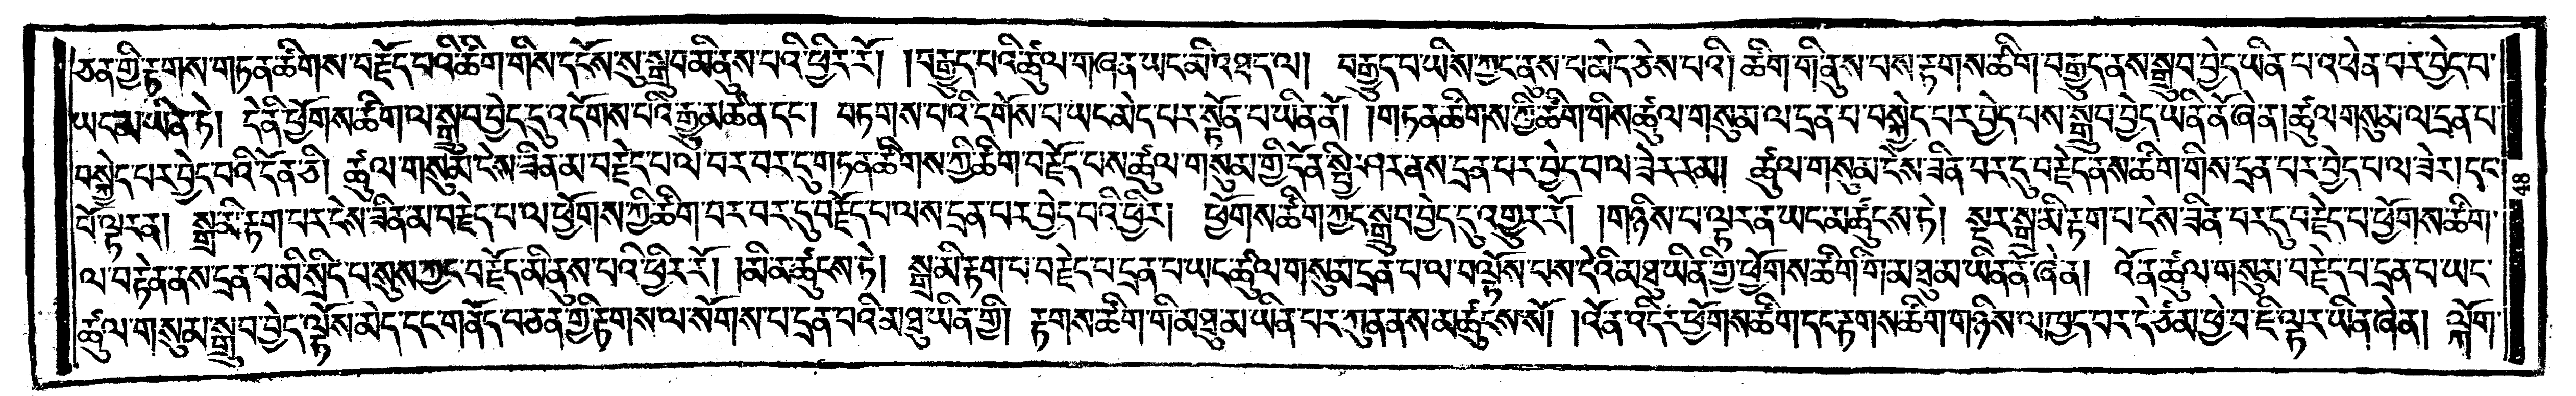ཅན་གྱི་རྟགས་གཏན་ཚིགས་བརྗོད་པའི་ཚིག་གིས་དངོས་སུ་སྒྲུབ་མི་ནུས་པའི་ཕྱིར་རོ། །བརྒྱུད་པའི་ཚུལ་གཞན་ཡང་མི་འཐད་ལ། བརྒྱུད་པ་ཡིས་ཀྱང་ནུས་པ་མེད་ཅེས་པའི། ཚིག་གི་ནུས་པས་རྟགས་ཚིག་བརྒྱུད་ནས་སྒྲུབ་བྱེད་ཡིན་པ་འཕེན་པར་བྱེད་པ་
ཡང་མ་ཡིན་ཏེ། དེ་ནི་ཕྱོགས་ཚིག་ལ་སྒྲུབ་བྱེད་དུ་འདོགས་པའི་རྒྱུ་མཚན་དང་། བཏགས་པའི་དགོས་པ་ཡང་མེད་པར་སྟོན་པ་ཡིན་ནོ། །གཏན་ཚིགས་ཀྱི་ཚིག་གིས་ཚུལ་གསུམ་ལ་དྲན་པ་བསྐྱེད་པར་བྱེད་པས་སྒྲུབ་བྱེད་ཡིན་ནོ་ཞེ་ན། ཚུལ་གསུམ་ལ་དྲན་པ་
བསྐྱེད་པར་བྱེད་པའི་དོན་ཅི། ཚུལ་གསུམ་ངེས་ཟིན་མ་བརྗོད་པ་ལ་བར་བར་དུ་གཏན་ཚིགས་ཀྱི་ཚིག་བརྗོད་པས་ཚུལ་གསུམ་གྱི་དོན་སྤྱི་ཤར་ནས་དྲན་པར་བྱེད་པ་ལ་ཟེར་རམ། ཚུལ་གསུམ་ངེས་ཟིན་པར་དུ་བརྗོད་ནས་ཚིག་གིས་དྲན་པར་བྱེད་པ་ལ་ཟེར། དང་
པོ་ལྟར་ན། སྒྲ་མི་རྟག་པར་ངེས་ཟིན་མ་བརྗོད་པ་ལ་ཕྱོགས་ཀྱི་ཚིག་བར་བར་དུ་བརྗོད་པ་ལས་དྲང་པར་བྱེད་པ༑འི་ཕྱིར། ཕྱོགས་ཚིག་ཀྱང་སྒྲུབ་བྱེད་དུ་འགྱུར་རོ། །གཉིས་པ་ལྟར་ན་ཡང་མཚུངས་ཏེ། སྔར་སྒྲ་མི་རྟག་པ་ངེས་ཟིན་བར་དུ་བརྗོད་པ་ཕྱོགས་ཚིག་
ལ་བརྟེན་ནས་དྲན་པ་མི་སྲིད་པ་སུས་ཀྱང་བརྗོད་མི་ནུས་པའི་ཕྱིར་རོ། མི་མཚུངས་ཏེ། སྒྲ་མི་རྟག་པ་བརྗོད་པ་དྲན་པ་ཡང་ཚུལ་གསུམ་དྲན་པ་ལ་བལྟོས་པས་དེའི་མཐུ་ཡིན་གྱི་ཕྱོགས་ཚིག་གི་མཐུ་མ་ཡིན་ནོ་ཞེ་ན། འོ་ན་ཚུལ་གསུམ་བརྗོད་པ་དྲན་པ་ཡང་
ཚུལ་གསུམ་སྒྲུབ་བྱེད་ལྟོས་མེད་དང་གནོད་བ་ཅན་གྱི་རྟགས་ལ་སོགས་པ་དྲན་པའི་མཐུ་ཡིན་གྱི། རྟགས་ཚིག་གི་མཐུ་མ་ཡིན་པར་ཀུན་ནས་མཚུངས་སོ། །འོ་ན་འདིར་ཕྱོགས་ཚིག་དང་རྟགས་ཚིག་གཉིས་ལ་ཁྱད་པར་དེ་ཙམ་ཕྱེ་བ་ཇི་ལྟར་ཡིན་ཞེ་ན། ལྐོག་